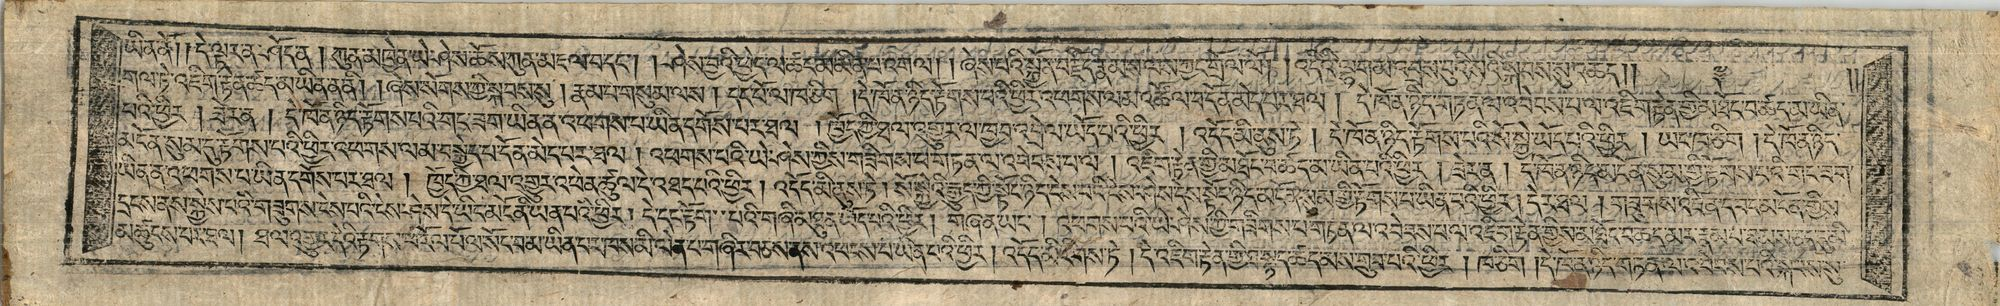ཡིན་ནོ། །དེ་ལྟར་ན་ཤོད་ན། ཀུན་མཁྱེན་ཡེ་ཤེས་ཆོས་ཀུན་མཇལ་བ་དང་། །ཤེས་བྱའི་ཕྱེད་ལ་ཚང་མ་མིན་པ་འགལ། །ཞེས་པའི་སྐྱོན་བརྗོད་རྣམས་ལས་ཀྱང་གྲོལ་ལོ། །འདིའི་ལྷག་མ་འབྲས་བུའི་སའི་སྐབས་སུ་འཆད།། ༈ །།
གལ་ཏེ་འཇིག་རྟེན་ཚད་མ་ཡིན་ན་ནི། །ཞེས་སོགས་ཀྱི་སྐབས་སུ་།རྣམ་པ་གསུམ་ལས། དང་པོ་ལ་ཁ་ཅིག །དེ་ཁོ་ན་ཉིད་རྟོགས་པའི་ཕྱིར་འཕགས་ལམ་འཚོལ་བ་དོན་མེད་པར་ཐལ། དེ་ཁོ་ན་ཉིད་གཏན་ལ་འབེབས་པ་ལ་འཇིག་རྟེན་གྱི་མཐོང་བ་ཚད་མ་ཡིན་
པའི་ཕྱིར། ཟེར་ན། དེ་ཁོ་ན་ཉིད་རྟོགས་པའི་གང་ཟག་ཡིན་ན་འཕགས་པ་ཡིན་དགོས་པར་ཐལ། ཁྱོད་ཀྱི་ཐལ་འགྱུར་ལ་ཁྱབ་འབྲེལ་ཡོད་པའི་ཕྱིར། འདོད་མི་ནུས་ཏེ། དེ་ཁོ་ན་ཉིད་རྟོགས་པའི་སོ་སྐྱེ་ཡོད་པའི་ཕྱིར། ཡང་ཁ་ཅིག །དེ་ཁོ་ན་ཉིད་
མངོན་སུམ་དུ་རྟོགས་པའི་ཕྱིར་འཕགས་ལམ་བསྐྱེད་པ་དོན་མེད་པར་ཐལ། འཕགས་པའི་ཡེ་ཤེས་ཀྱིས་གཟིགས་པ་གཏན་ལ་འབེབས་པ་ལ། འཇིག་རྟེན་གྱི་མཐོང་བ་ཚད་མ་ཡིན་པའི་ཕྱིར། ཟེར་ན། དེ་ཁོ་ན་ཉིད་མངོན་སུམ་གྱི་རྟོགས་པའི་གང་ཟག་
ཡིན་ན་འཕགས་པ་ཡིན་དགོས་པར་ཐལ། ཁྱོད་ཀྱི་ཐལ་འགྱུར་འཕེན་ཚུལ་དེ་འཐད་པའི་ཕྱིར། འདོད་མི་ནུས་ཏེ། སོ་སྐྱེའི་རྒྱུད་ཀྱི་སྟོང་ཉིད་ངེས་པའི་ངེས་ཤེས་དེས་སྟོང་ཉིད་མངོན་སུམ་གྱི་རྟོགས་པ་ཡིན་པའི་ཕྱིར། དེར་ཐལ། གཟུགས་འཛིན་དབང་མངོན་གྱིས་
དྲངས་ནས་སྐྱེས་པའི་གཟུགས་ངེས་པའི་ངེས་ཤེས་དེ་ཡིད་མངོན་ཡིན་པའི་ཕྱིར། དེ་དང་རྟོག་པའི་གཞི་མཐུན་ཡོད་པའི་ཕྱིར། གཞན་ཡང་། འཕགས་པའི་ཡེ་ཤེས་ཀྱི་གཟིགས་པ་གཏན་ལ་འབེབས་བ་ལ་འཇིག་རྟེན་གྱིས་མཐོང་བ་ཚད་མར་རྣམ་པ་ཐམས་ཅད་དུ་མི་
མཚུངས་པར་ཐལ། ཐལ་འགྱུར་དེའི་རྟགས་ཕ་རོལ་པོ་ལ་སོང་བ་མ་ཡིན་པར་ཁས་མི་ལེན་པ་གཞིར་བཅས་ནས་འཕངས་པ་ཡིན་པའི་ཕྱིར། འདོད་མི་རིགས་ཏེ། དེ་འཇིག་རྟེན་གྱི་ཐ་སྙད་ཚད་མས་གྲུབ་པའི་ཕྱིར། ཁ་ཅིག །དེ་ཁོ་ན་ཉིད་གཏན་ལ་འབེབས་པའི་སྐབས་སུ་